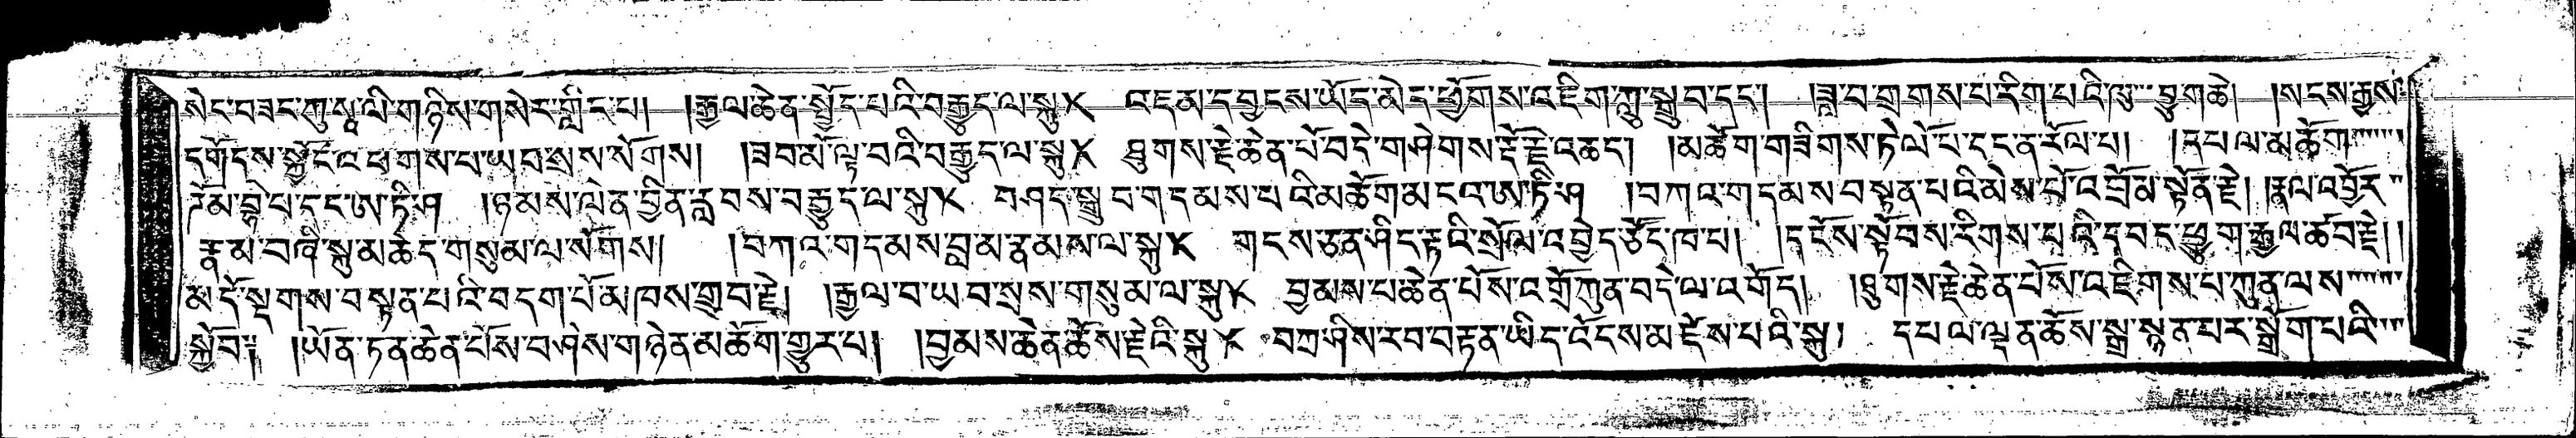སེང་བཟང་ཀུ་སཱ་ལི་གཉིས་གསེར་གླིང་པ། །རྒྱལ་ཆེན་སྤྱོད་པའི་བརྒྱུད་ལ་སྐུ་{྾}་འཇམ་དབྱངས་ཡོད་མེད་ཕྱོགས་འཇིག་ཀླུ་སྒྲུབ་དང་། །ཟླ་བ་གྲགས་པ་རིག་པའི་ཁུ་བྱུག་ཆེ། །སངས་རྒྱས་
དགོངས་སྐྱོང་འཕགས་པ་ཡབ་སྲས་སོགས། །ཟབ་མོ་ལྟ་བའི་བརྒྱུད་ལ་སྐུ་{྾}་ཐུགས་རྗེ་ཆེན་པོ་བདེ་གཤེགས་རྡོ་རྗེ་འཆང་། །མཆོག་གཟིགས་ཏེ་ལོ་པ་དང་ན་རོལ་པ། །དཔལ་མཆོག་
ཌོམ་བྷེ་པ་དང་ཨ་ཏི་ཤ་།ཉམས་ལེན་བྱིན་རླབས་བརྒྱུད་ལ་སྐུ་{྾}་བཤད་སྒྲུབ་གདམས་པའི་མཆོག་མངའ་ཨ་ཏི་ཤ་།བཀའ་གདམས་བསྟན་པའི་མེས་པོ་འབྲོམ་སྟོན་རྗེ། །རྣལ་འབྱོར་
རྣམ་བཞི་སྐུ་མཆེད་གསུམ་ལ་སོགས། །བཀའ་གདམས་བླ་མ་རྣམས་ལ་སྐུ་{྾}་གངས་ཅན་ཤིང་རྟའི་སྲོལ་འབྱེད་ཙོང་ཁ་པ། །དངོས་སྟོབས་རིགས་པའི་དབང་ཕྱུག་རྒྱལ་ཚབ་རྗེ། །
མདོ་སྔགས་བསྟན་པའི་བདག་པོ་མཁས་གྲུབ་རྗེ། །རྒྱལ་བ་ཡབ་སྲས་གསུམ་ལ་སྐུ་{྾}་བྱམས་པ་ཆེན་པོས་འགྲོ་ཀུན་བདེ་ལ་འགོད། །ཐུགས་རྗེ་ཆེན་པོས་འཇིགས་པ་ཀུན་ལས་
སྐྱོབ༑ །ཡོན་ཏན་ཆེན་པོས་བཤེས་གཉེན་མཆོག་གྱུར་པ། །བྱམས་ཆེན་ཆོས་རྗེའི་སྐུ་{྾}་བཀྲ་ཤིས་རབ་བརྟན་ཡིད་འོངས་མཛེས་པའི་སྐུ། དཔལ་ལྡན་ཆོས་སྒྲ་སྙན་པར་སྒྲོག་པའི་